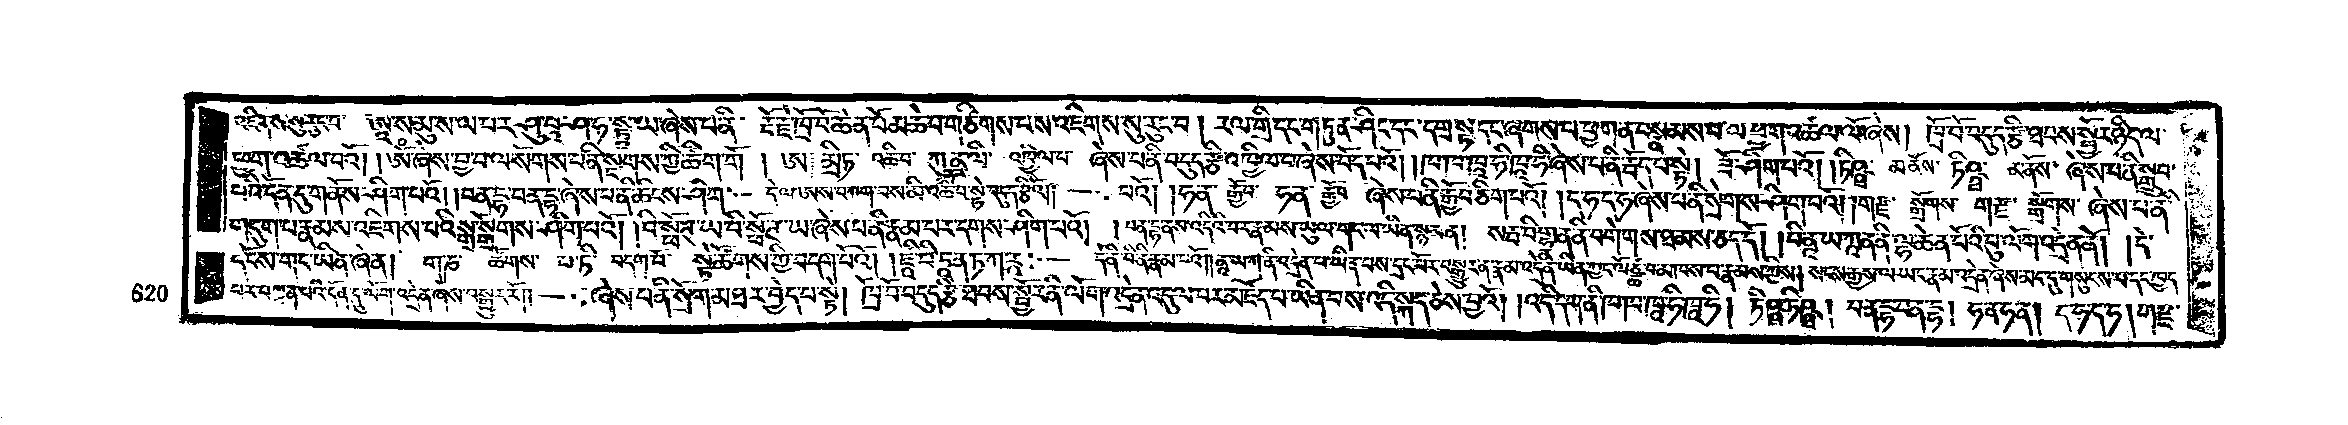འཇིགས་སུ་རུང་བ་ཨཱ་སི་མུ་ས་ལ་པ་ར་ཤུ་པཱ་ཤ་ཧ་སྟཱ་ཡ་ཞེས་པ་ནི་རྡོ་རྗེ་ཁྲོ་བོ་ཆེན་པོ་མཆེ་བ་གཙིགས་པས་འཇིགས་སུ་རུང་བ། རལ་གྲི་དང་གཏུན་ཤིང་དང་དགྲ་སྟ་དང་ཞགས་པ་ཕྱག་ན་བསྣམས་པ་ལ་ཕྱག་འཚལ་ལོ་ཞེས། ཁྲོ་བོ་བདུད་རྩི་ཐབས་སྦྱོར་ཉིད་ལ་
ཕྱག་འཚལ་བའོ། །ཨོཾ་ཞེས་བྱ་བ་ལ་སོགས་པ་ནི་སྔགས་ཀྱི་ཚིག་གོ །ཨ་མྲིཏ་འཆི་བ་ཀུནྜ་ལི་འཁྱིལ་བ་ཞེས་པ་ནི་བདུད་རྩི་འཁྱིལ་པ་ཞེས་བོད་པའོ། །ཁ་ཁ་ཁཱ་ཧི་ཁཱ་ཧི་ཞེས་པ་ནི་རྦོད་པ་སྟེ། ཟོ་ཤིག་པའོ། །ཏིཥཊཿཨ་མ་ནོས་ཏིཥཊཿཨ་མ་ནོས་ཞེས་པ་ནི་སྒྲུབ་
པའི་དོན་དུ་གནོས་ཤིག་པའོ། །བན་དྷ་བན་དྷ་ཞེས་པ་ནི་ཆིངས་ཤིགཿ་དེ་ལ་ཨས་བཀག་པས་མི་འཆི་བ་སྟེ་བདུད་རྩིའོ།།  .Hཔའོ། །ཧ་ན་རྒྱོབ་ཧ་ན་རྒྱོབ་ཞེས་པ་ནི་རྒྱོབ་ཅིག་པའོ། །ད་ཧ་ད་ཧ་ཞེས་པ་ནི་སྲེགས་ཤིག་པའོ། །གརྫ་སྒྲོགས་གརྫ་སྒྲོགས་ཞེས་པ་ནི་
གདུག་པ་རྣམས་འཇིགས་པའི་སྒྲ་སྒྲོགས་ཤིག་པའོ། །བི་སྥོ་ཊ་ཡ་བི་སྥོ་ཊ་ཡ་ཞེས་པ་ནི་རྣམ་པར་དགོས་ཤིག་པའོ། ། བན་དྷ་ནས་འདིའི་བར་རྣམས་ཡུལ་གང་ལ་ཡིན་སྙམ་ན།  སརྦ་བིགྷྣན་ནི་བགེགས་ཐམས་ཅད་དོ། །བི་ནཱ་ཡ་ཀཱན་ནི་ལྷ་ཆེན་པོའི་བུ་ལོག་འདྲེན་ནོ། །དེ་
དངོས་གང་ཡིན་ཞེ་ན། ག་ཎ་ཚོགས་པ་ཏི་བདག་པོ་སྟེ་ཚོགས་ཀྱི་བདག་པོའོ། །ཛཱི་བི་ཏཱན་ཏ་ཀ་རཱཿ་དེ་ནི་བི་ནི་རྣམ་པའོ། །ནཱ་ཡ་ཀ་ནི་འདྲེན་པ་ཡིན་པས་དྲང་པོར་བསྒྱུར་ན་རྣམ་འདྲེན་ཡིན་ཀྱང་ལོཙྪ་བ་མཁས་པ་རྣམས་ཀྱིས། སངས་རྒྱས་ལ་ཡང་རྣམ་འདྲེན་ཞེས་མང་དུ་གསུངས་པ་དང་ཁྱད་
པར་བསྟན་པའི་དོན་དུ་ལོག་འདྲེན་ཞེས་བསྒྱུར་རོ།། .Hཞེས་པ་ནི་སྲོག་མཐར་བྱེད་པ་སྟེ། ཁྲོ་བོ་བདུད་རྩི་ཐབས་སྦྱོར་ནི་ལོག་འདྲེན་འདུལ་བར་མཛད་པ་ཡིན་པས་འདི་སྐད་ཅེས་བྱའོ། །འདི་དག་ནི་ཁ་ཁ་ཁཱ་ཧི་ཁཱ་ཧི། ཏིཥྠ་ཏིཥྠ། བན་དྷ་བན་དྷ། ཧ་ན་ཧ་ན། ད་ཧ་ད་ཧ། གརྫ་